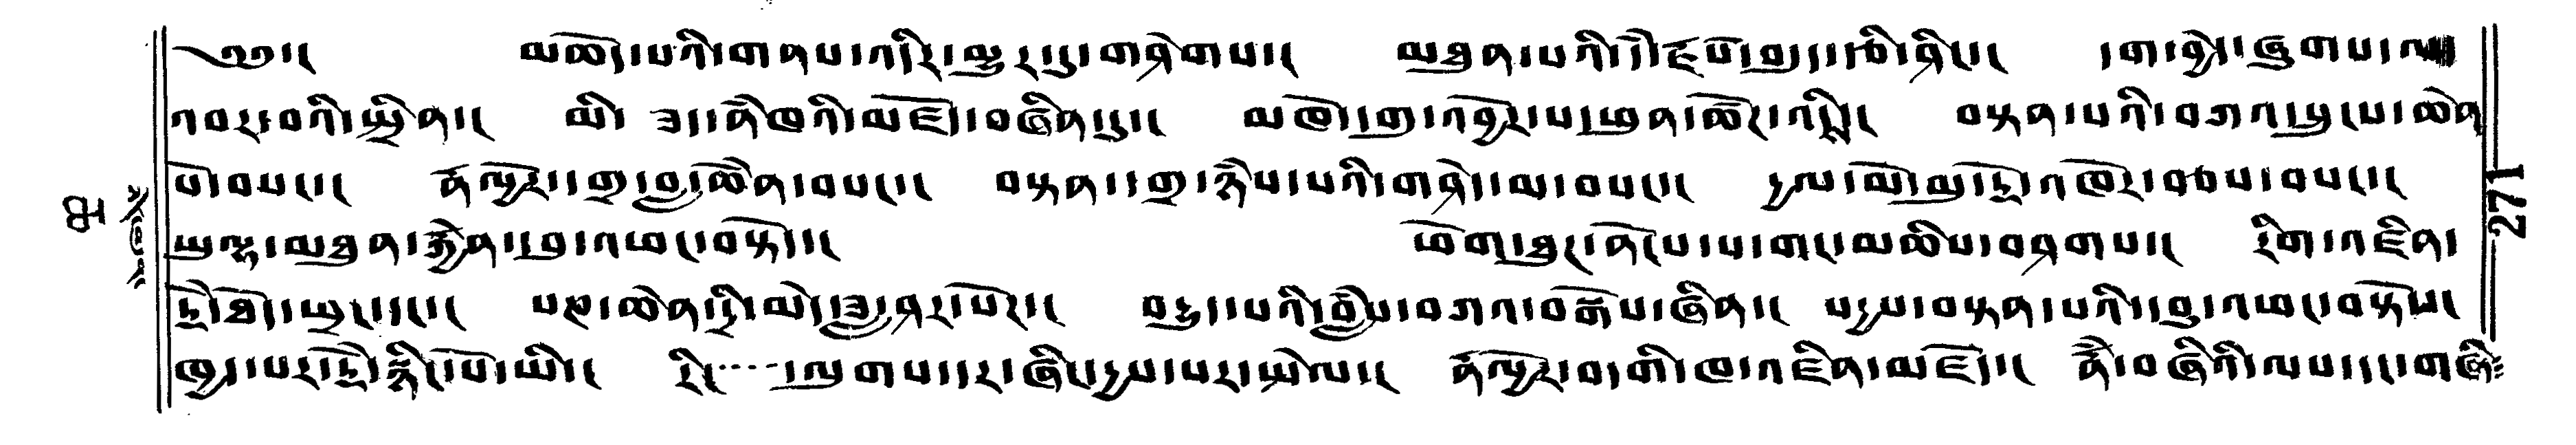།མཆོད་པའི་གནས་འདིར་མྱུར་དུ་གཤེགས། །མཐུན་པའི་དམ་རྫས་བདུད་རྩི་ཤིང་། །དག་བྱེད་ཞུགས་ལ་
འབར་བའི་སྤྲིན། །མི་ཟད་ནམ་མཁའ་མཛོད་བཞིན་དུ། །མཁོ་རྒུའི་འབྱོར་པ་ཕུན་ཚོགས་འདིས། །བསྟན་པའི་བཀའ་སྲུང་ཆེན་
པོ་བསང་། །རྣལ་འབྱོར་དགྲ་བླ་ཆེན་པོ་བསང་། །བསྟན་དགྲ་ཉམས་པའི་གཤེད་མ་བསང་། །རྒྱལ་མོད་མུ་རྡོ་འཁོར་བཅས་བསང་། །
ཡུལ་ལྷ་མཐུན་རྐྱེན་དབུ་འཕང་བསྟོད། །ཕོག་ཐུག་ནོངས་པ་གང་མཆིས་བཤགས། །རིག་འཛིན་
རྡོ་རྗེ་ཐོད་ཕྲེང་དང་། །པཎ་ཆེན་དྲི་མེད་ཟླ་ཤར་སོགས། །བརྒྱུད་པའི་བླ་མས་བཀའ་བསྒོས་བཞིན། །སངས་རྒྱས་བསྟན་པའི་དབུ་འཕང་བསྟོད། 
ཁྱད་པར་རྡོ་རྗེ་སྙིང་པོ་ཡི། །རིང་ལུགས་དར་ཞིང་རྒྱས་པར་སྤེལ། །རྣལ་འབྱོར་བདག་གི་ཁ་འཛིན་མཛོད། །རྣམ་བཞིའི་ལས་དང་གཞིས་